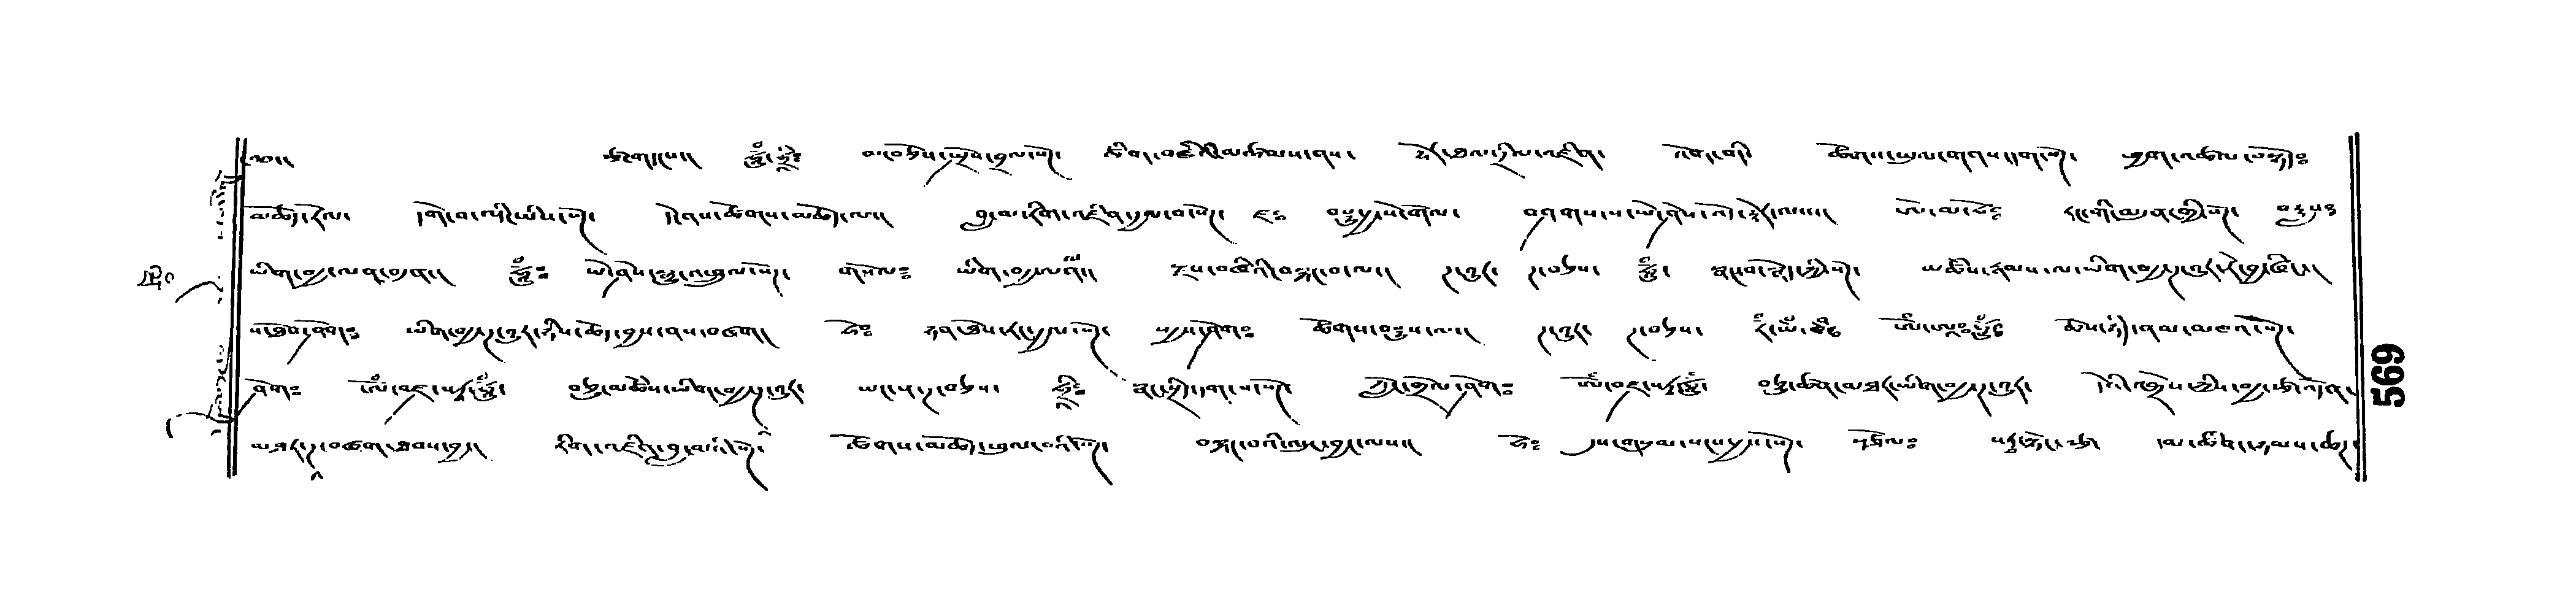རྩ་གདངས། ཧཱུྃ་ཧྲཱིཿ མ་བཅོས་སྤྲོས་བྲལ་སོགས། ཚིག་བཞིའི་མཚམས་ནས། རྡོར་ཐལ་དྲིལ་འཛིན། འོག་གི ཚོགས་ཡུལ་གནས་དག་སོགས། ཕྱག་འཚལ་བསྟོདཿ 
མཆོད་རོལ། དགེ་བའི་འདི་ཡིས་སོགས། དེ་ནས་ཚོགས་མཆོད་ལ། བླ་མ་རིག་འཛིན་རྒྱལ་བ་སོགས། ཛཿ བསྡུ་རྒྱ་སེ་གོལ། བཤགས་པ་ཡེ་ཤེས་འོད་ཟེར་ལས། ཨེ་མ་ཧོཿ རང་གི་མདུན་གྱི་སོགས། བཟླསཿ 
ཡིག་བརྒྱ་ལན་བདུན། ཧཱུྃཿ ཡེ་ཤེས་སྒྱུ་འཕྲུལ་སོགས། གསོལཿ ཡིག་བརྒྱ་ལན་བདུན། རྫས་བཞིའི་བསྐང་བ་ལ། ཌཱ་འུར། ཌཱ་བཅས། ཧཱུྃཿ སྣང་བ་སྣོད་ཀྱི་སོགས། མཚམས་རྣམས་ལ་ཡིག་བརྒྱ། ཌཱ་འུར་རེ་བྱ་ཞིང་། 
ས་ཐོབ་ཤོགཿ ཡིག་བརྒྱ། ཌཱ་འུར་ཉིས་གཅོད་བྱས་ནས་བཞག ཧོཿ ཉན་ཐོས་རང་རྒྱལ་སོགས། སངས་རྒྱས་ཤོགཿ ཚོགས་བསྡུས་ལ། ཌཱ་འུར། ཌཱ་བཅས། རྃ་ཡ་ྃཁྃ༔ ཨོཾ་ཨཱཿཧཱུྃཿ ཆོས་ཉིད་ནམ་མཁའ་སོགས་
ཤོགཿ ཨོཾ་བཛྲ་སཏྭ་ཧཱུྃཿ བཅུའི་མཚམས་ཡིག་བརྒྱ། ཌཱ་འུར། ཡང་ན་ཌཱ་བཅས། ཧྲཱིཿ སྣང་སྲིད་དག་པ་སོགས། ཀློང་གྲོལ་ཤོགཿ ཨོཾ་བཛྲ་སཏྭ་ཧཱུྃཿ བཅུ་ཚན་མཐར་ཡིག་བརྒྱ་ཌཱ་འུར། དེའི་འགྲོས་ཀྱིས་བརྒྱ་ཚ་འདོན་
མཐར་ཌཱ་བཞག་ཐབས་བྱ། རིག་འཛིན་བླ་མའི་སོགས། ཚོགས་མཆོད་ཕུལ་བའི་སོགས། བསྐང་བའི་ལུང་བྱང་ལས། ཧོཿ དུས་གསུམ་སངས་རྒྱས་སོགས། སྩོལཿ སཏྭ་སྟོང་རྩ། དམ་ཚིག་ཉམས་ཆགས་